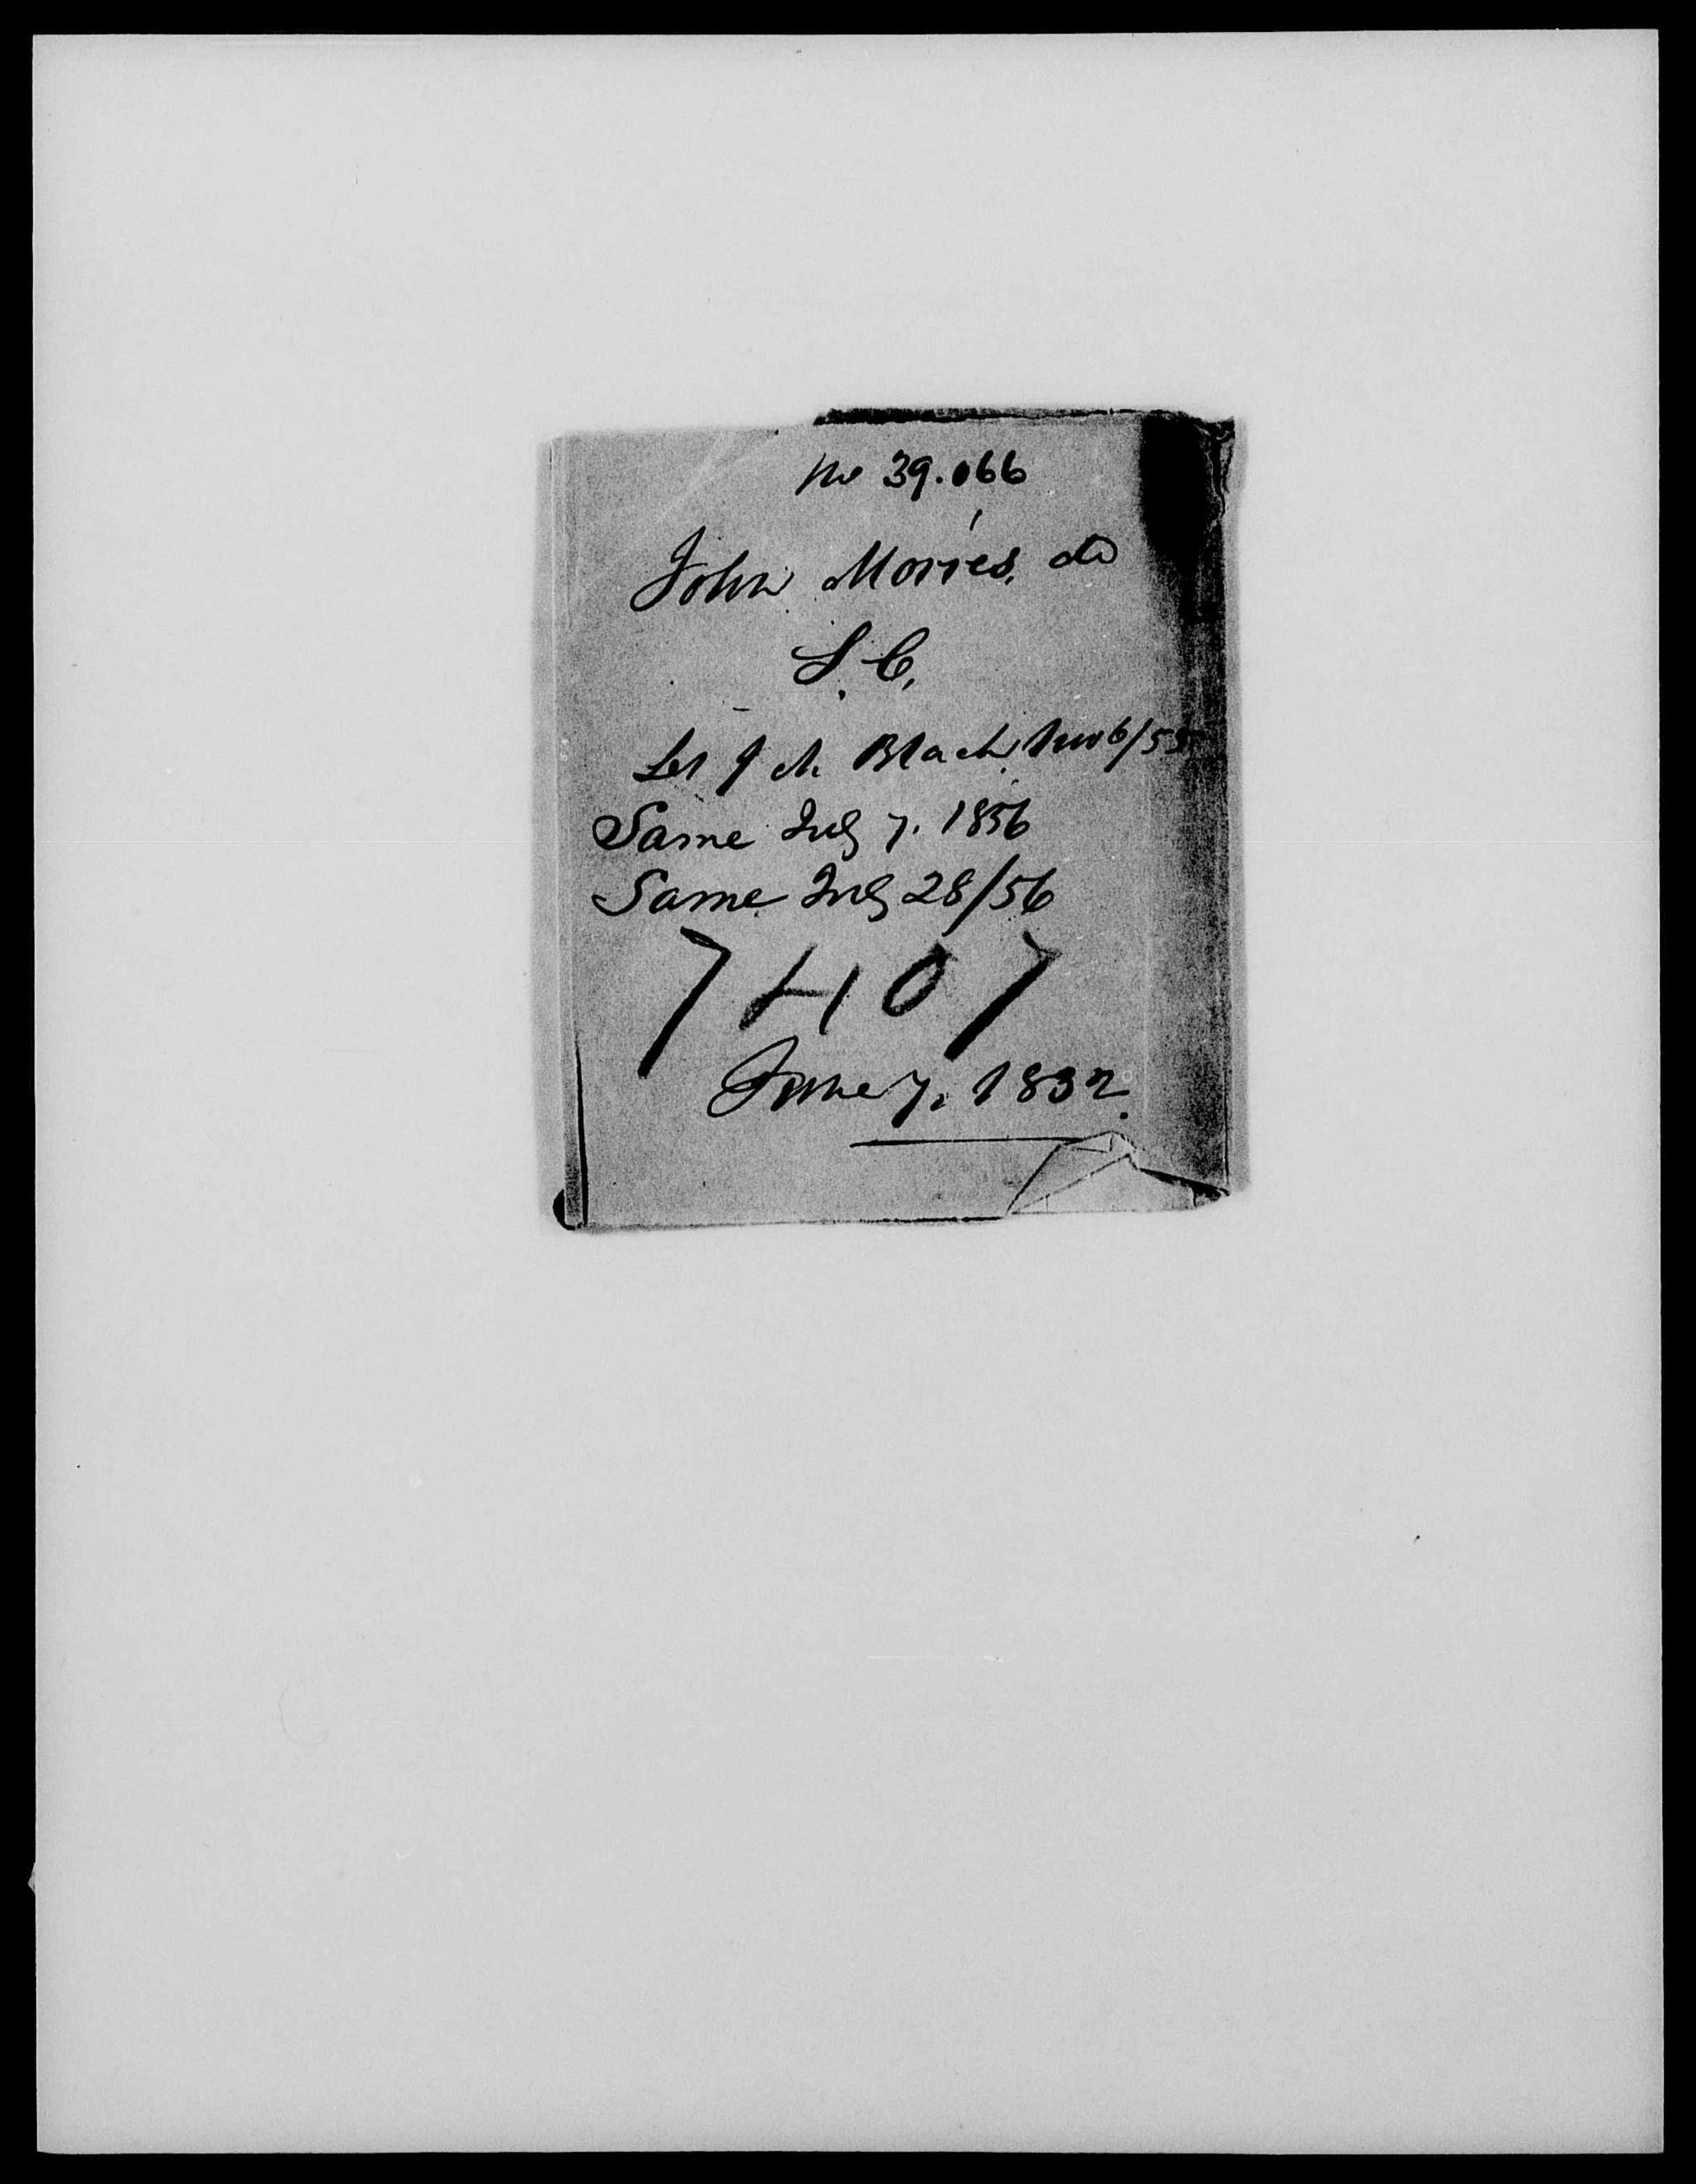No 39.066
John Morris dcd
S.C.
let J.A. Black Nov 6/55
Same Jul 7. 1856
Same Jul 28/56
7407
June  7, 1832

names: John Morris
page: 17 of 20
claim: rejected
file: R. 7407, for John Morriss, South Carolina